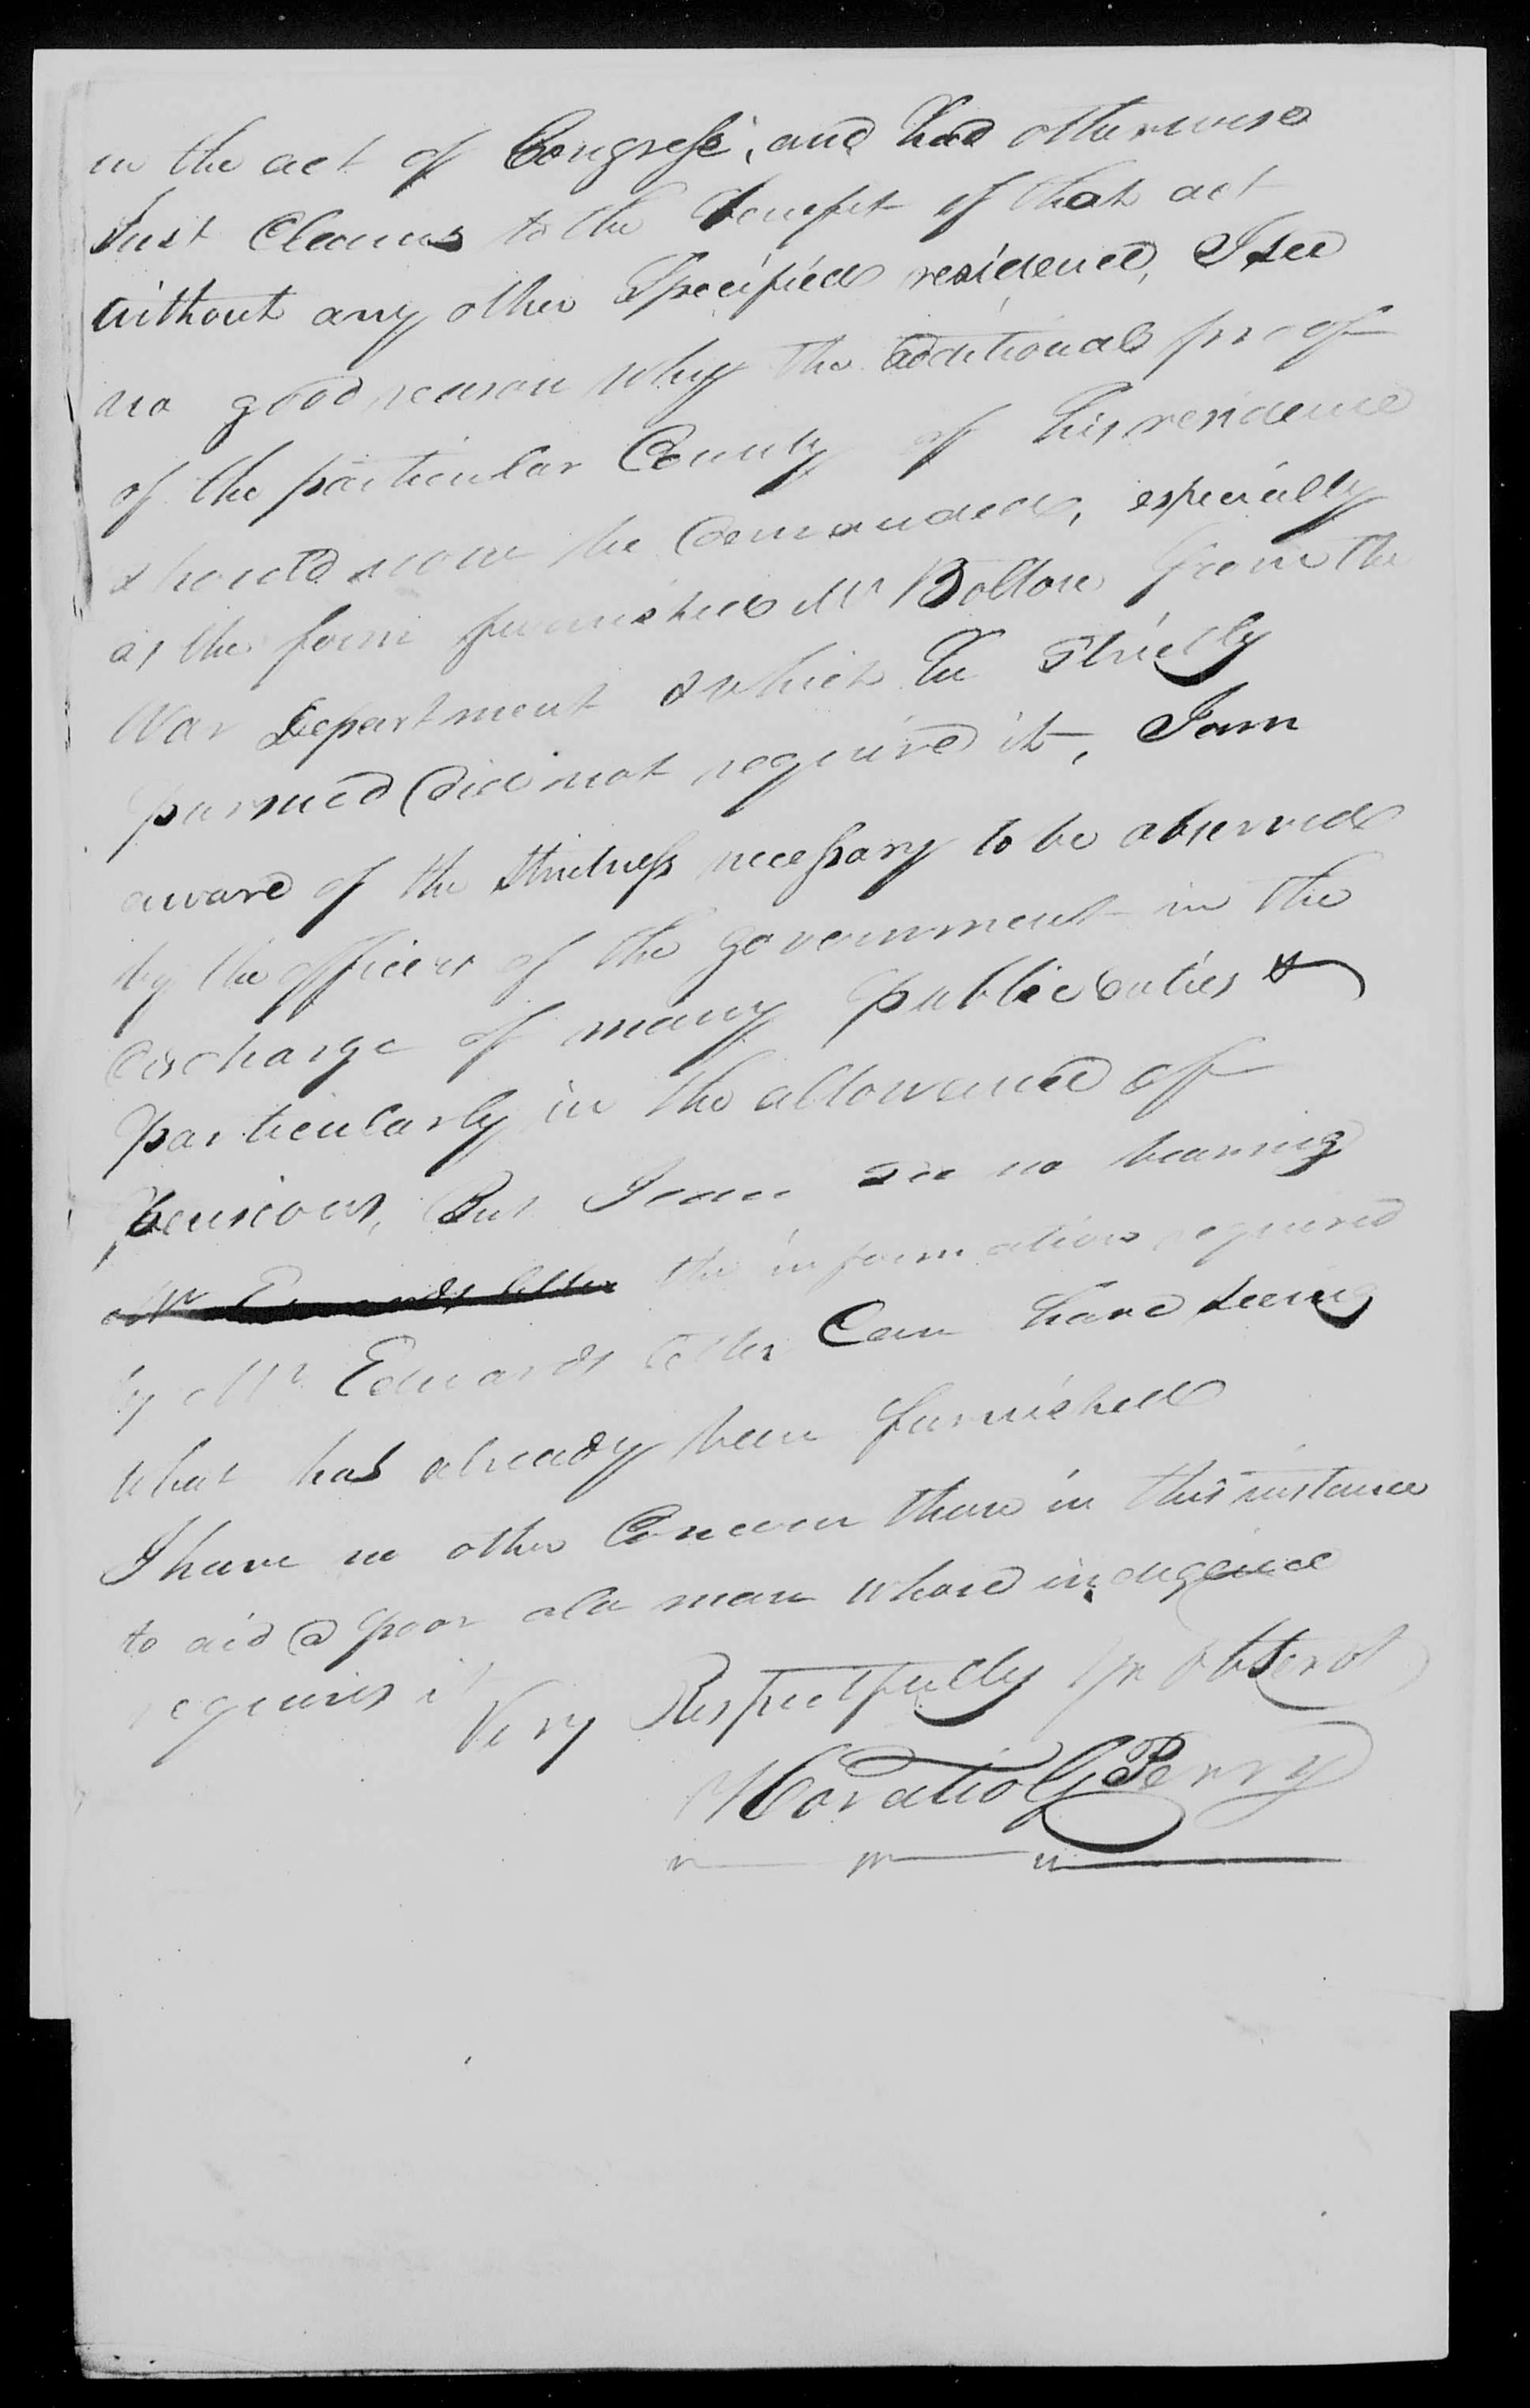in the act of Congress; and had otherwise
just claims to the benefit of that act
without any other Specified residence, I see
no good reason why the additional proof
of the particular County of his residence
should now be demanded, especially
as the form furnished Mr Bolton from the
War Department which he strictly
pursued did not require it.  I am
aware of the strictness necessary to be observed by the office of the government in the discharge of many public duties
particularly in the allowance of pensions, but I
can see no bearing [words crossed out]the information required by Mr. Edwards letter can have seen what has already been furnished
I have no other concern there in this instance
to aid a poor old man whose indulgence
requires
Very Respectfully [illegible]
Horatio Perry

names: Horatio G Perry, Edwards, Bolton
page: 26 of 29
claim: survivor's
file: S. 37,795, Benjamin Bolton, N.C.